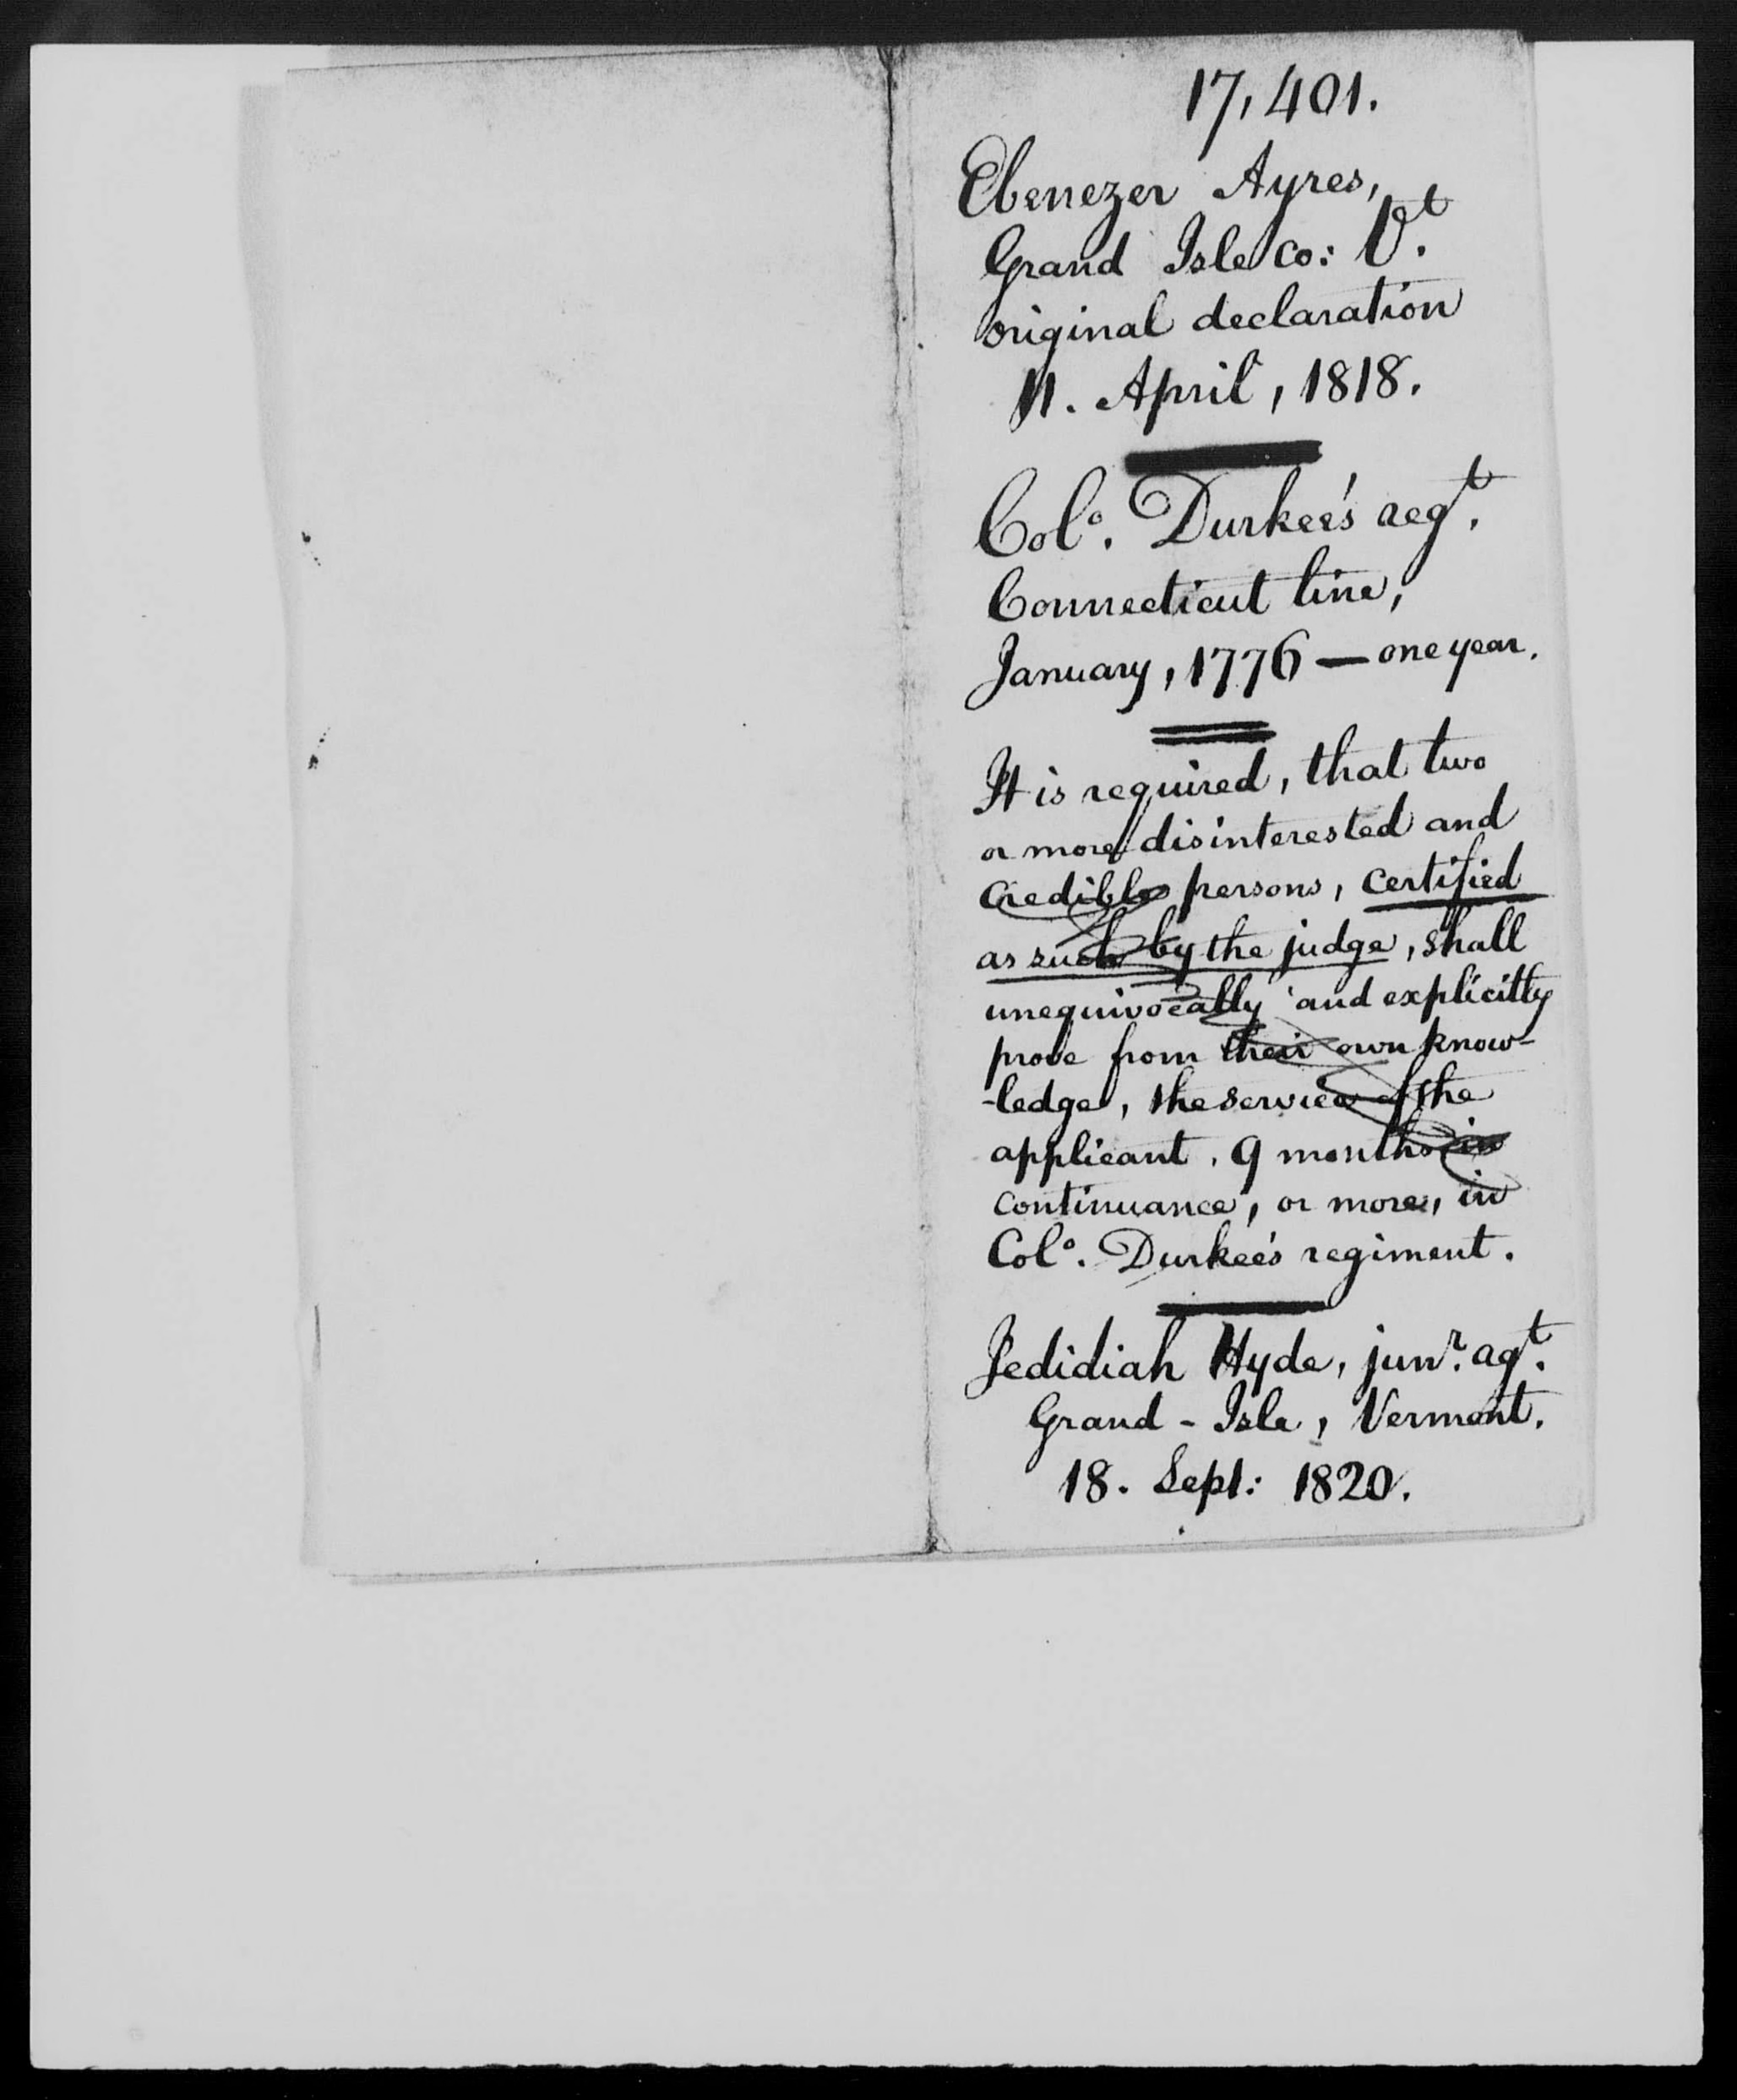17,401
Ebenezer Ayres,
Grand Isle Co. Vt.
original declaration 11. April, 1818.
Colo. Durkee's regt.
Connecticut line,
January, 1776 - one year.
It is required, that two or more disinterested and credible persons, certified as such by the judge, shall unequivocally and explicitly prove from their own knowledge, the services of the applicant, 9 months in continuance, or more, in Colo. durkee's regiment.
Jedidiah Hyde, junr. agt.
Grand-Isle, Vermont
18, Sept. 1820 

Admitted written across body of text.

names: Ebenezer Ayres, Jedidiah Hyde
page: 27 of 50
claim: widow's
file: W. 8559, Ebenezer Ayer, Continental (Conn)